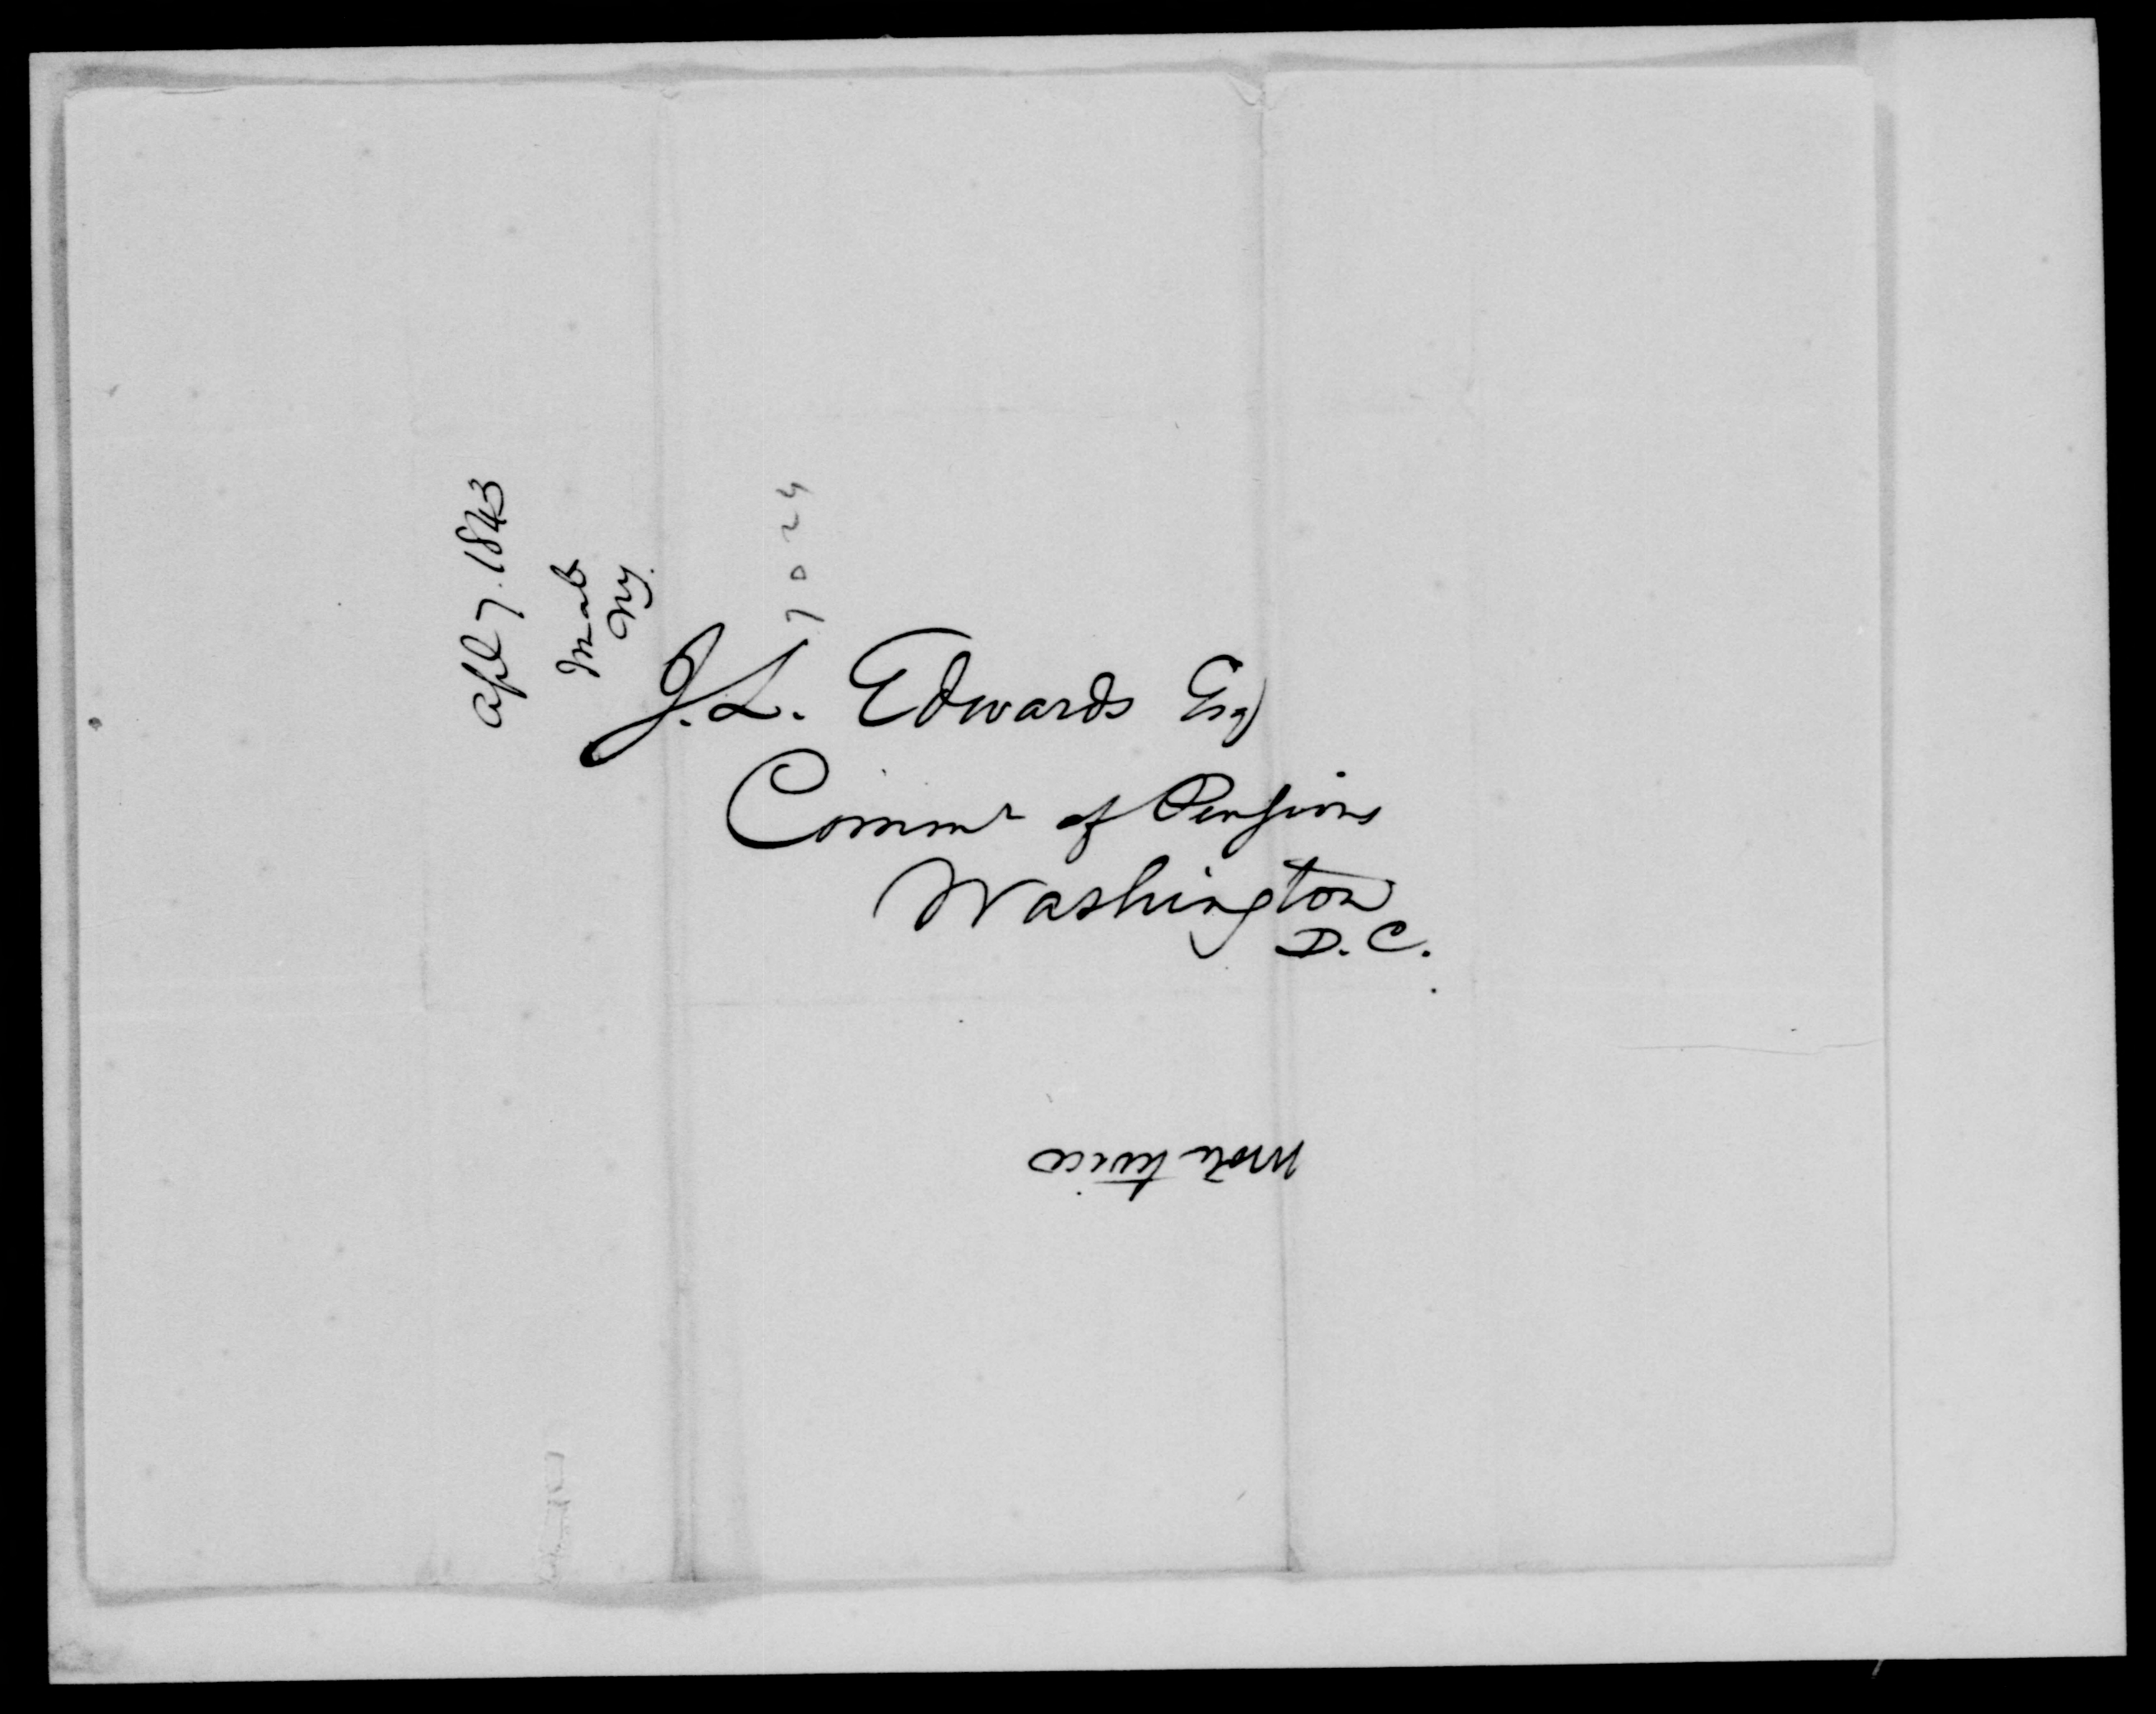J. L. Edwards Esq
Commr of Pensions
Washington D.C.


(written sideways)
Apl 7 1843
Jnab(?)
NY.

7024

(written upside down, on bottom)
wrote twice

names: J L Edwards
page: 28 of 51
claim: widow's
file: W. 19604, Myndert B Wemple, New York